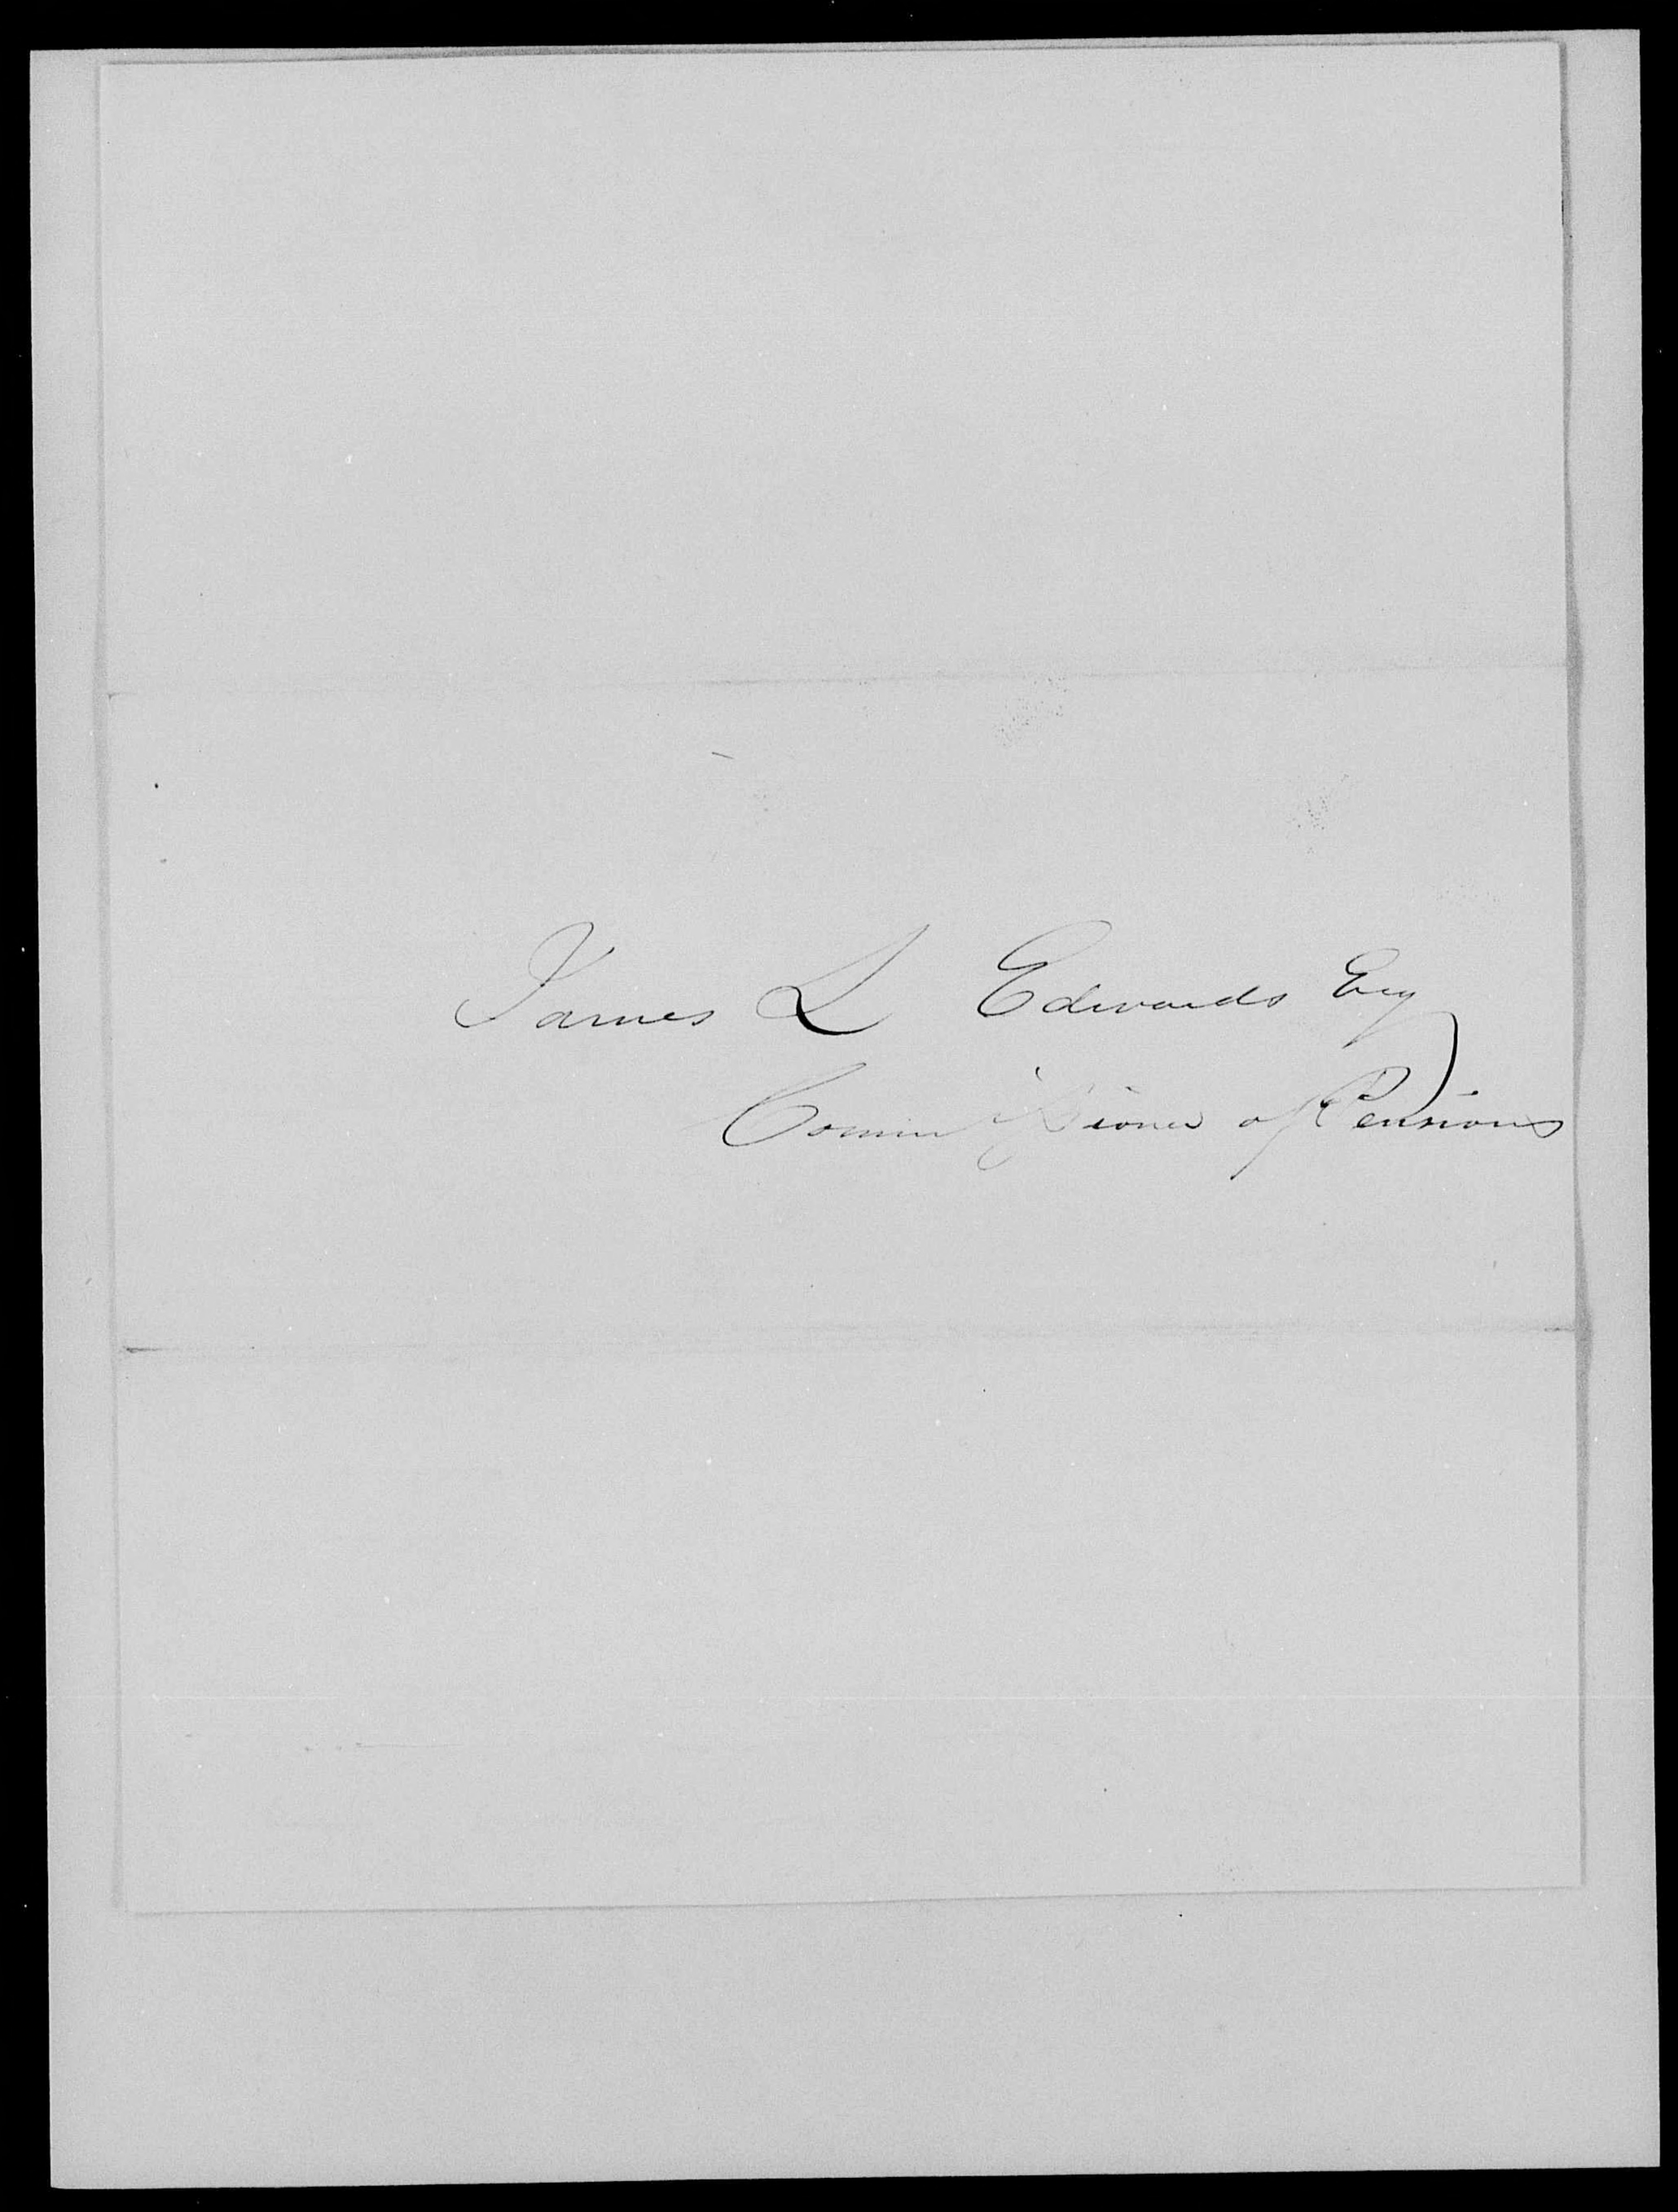James L. Edwards Esq
Comis Sioneer of Pensions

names: James L Edwards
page: 46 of 75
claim: survivor's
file: S. 9989, for William Popham, Delaware